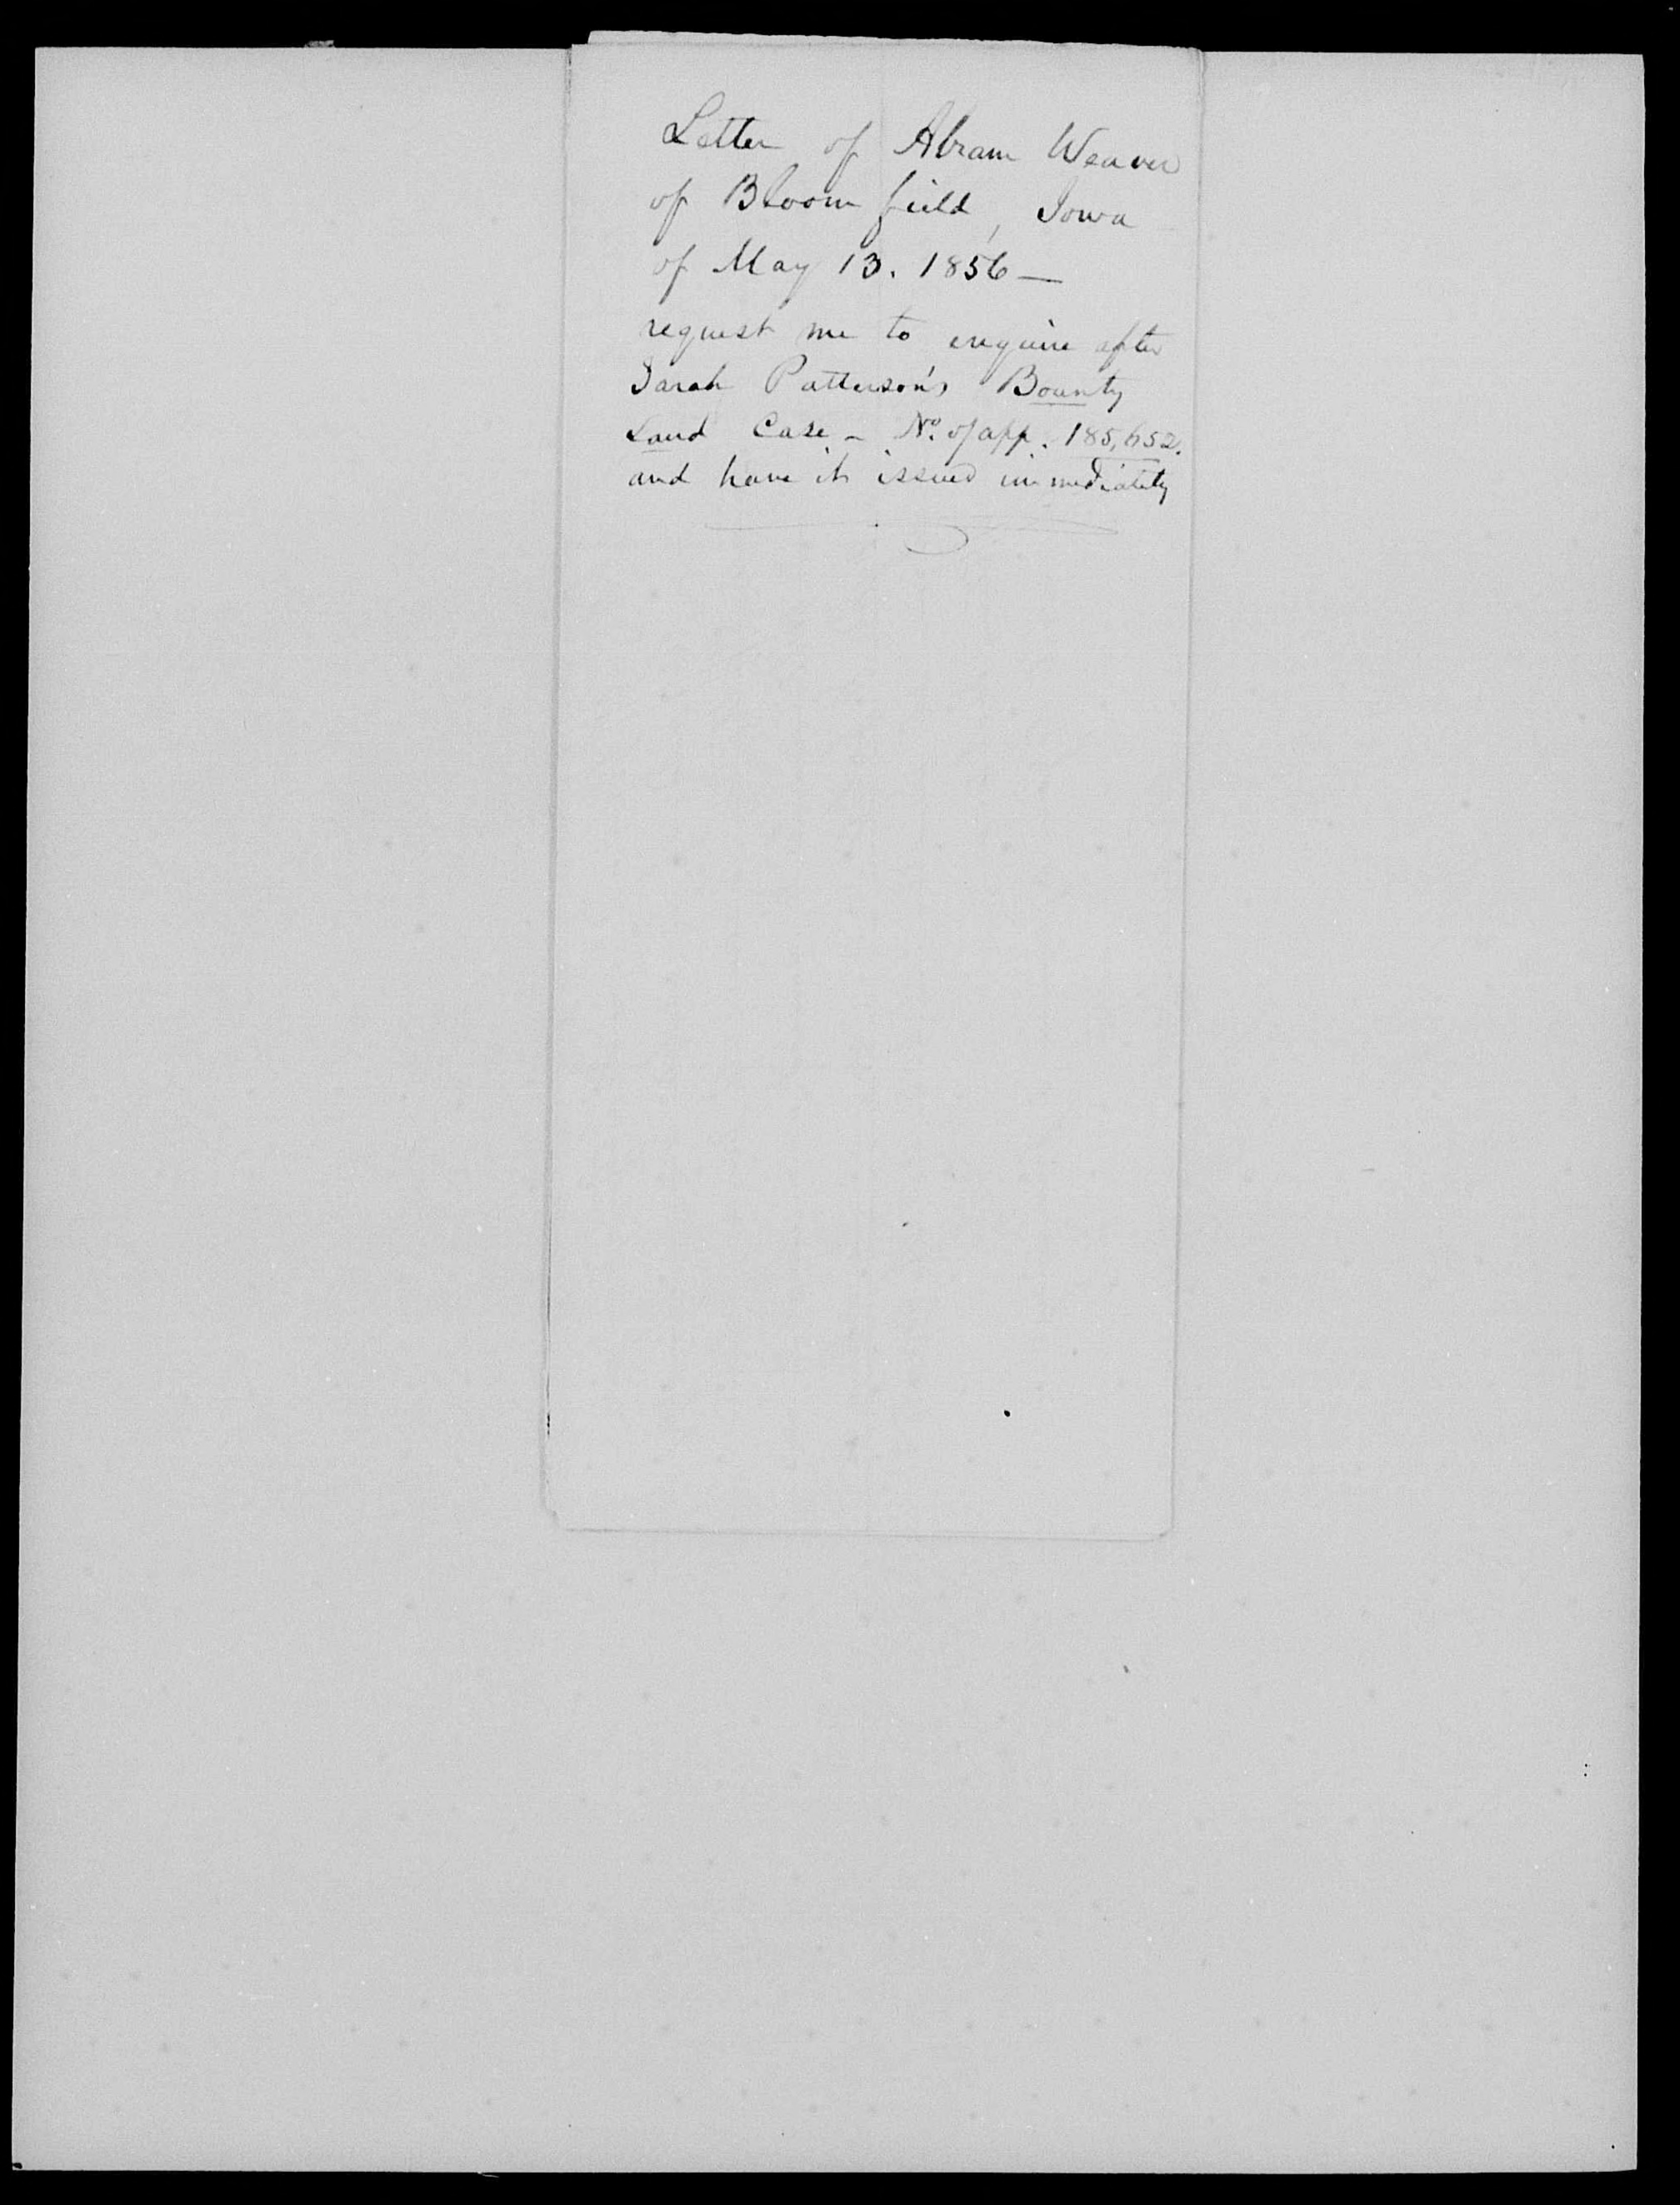Letter of Abram Weaver of Bloomfield, Iowa of May 13, 1856- 
request me to enquire after Sarah Patterson's Bounty Land Case – No. of app. 185,652 and have it issued immediately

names: Sarah Patterson; Abram Weaver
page: 39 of 69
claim: widow's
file: W. 10861, for James Patterson, North Carolina